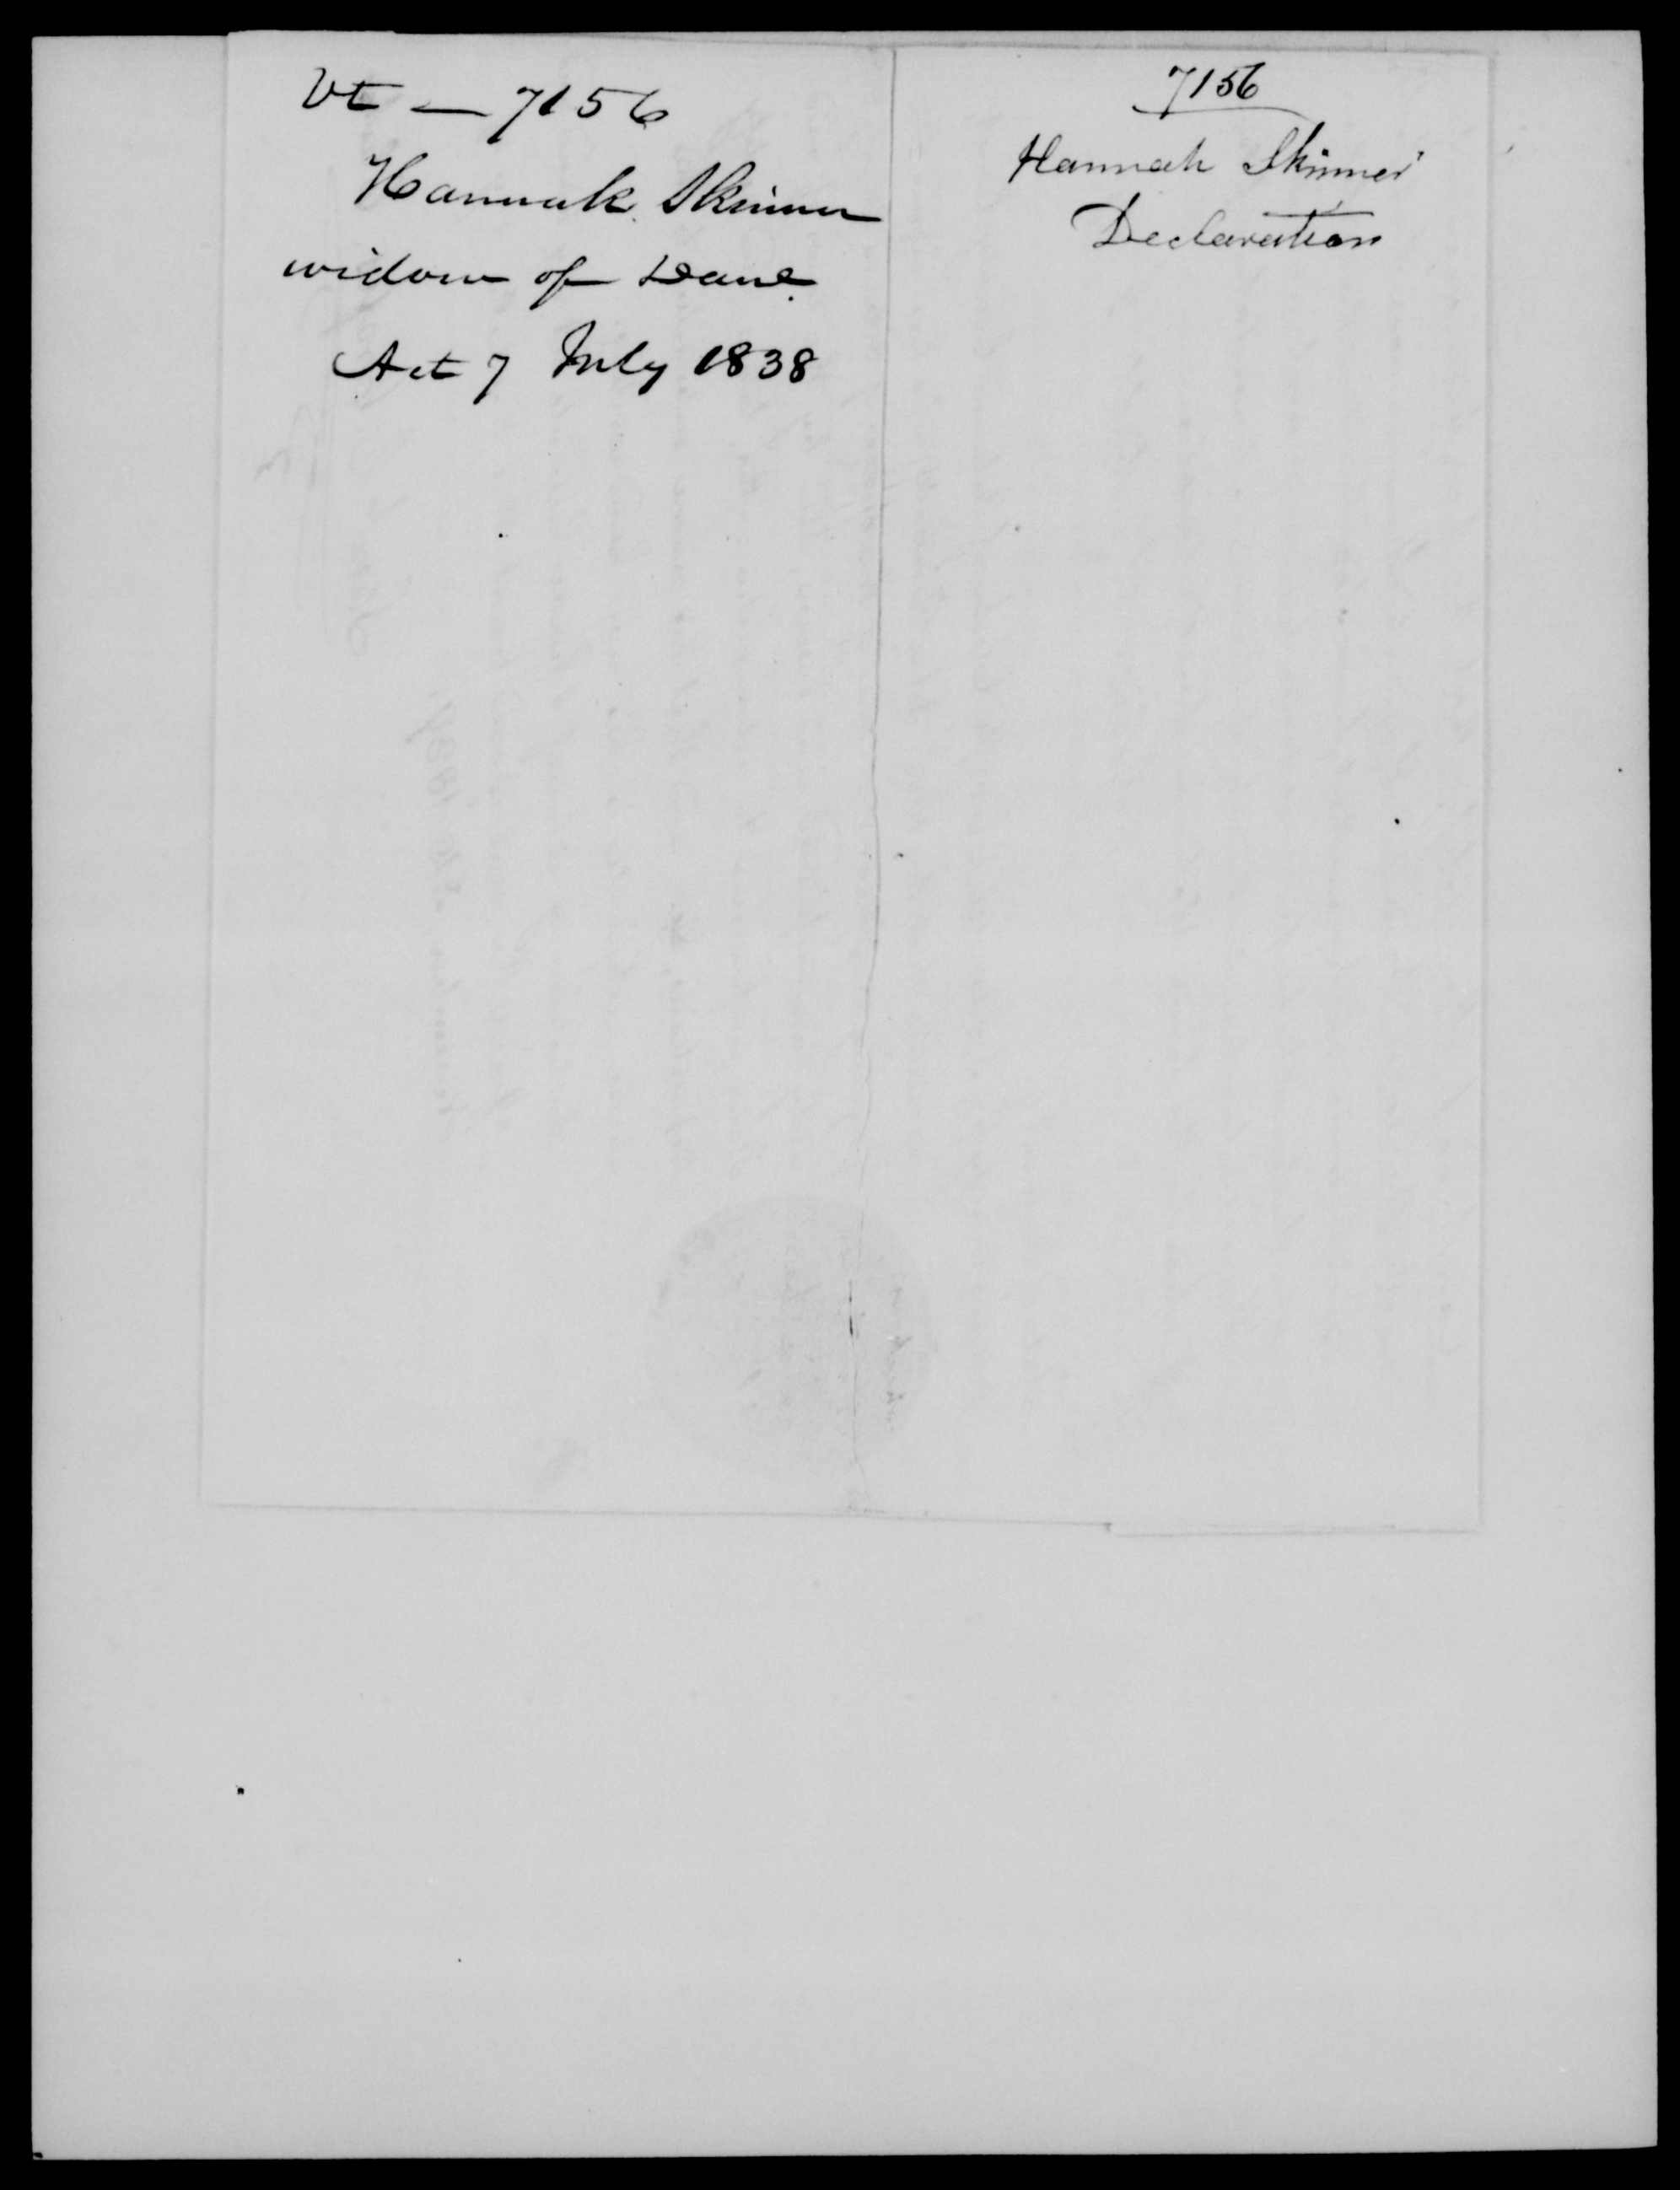Vt. --7156
Hannah Skinner
widow of Daniel
Act 7 July 1838

(left page)
7156
Hannah Skinner 
Declaration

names: Hannah Skinner; Hannah Skinner; Danl Skinner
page: 3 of 46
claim: widow's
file: W. 24976, for Daniel Skinner, New Hampshire